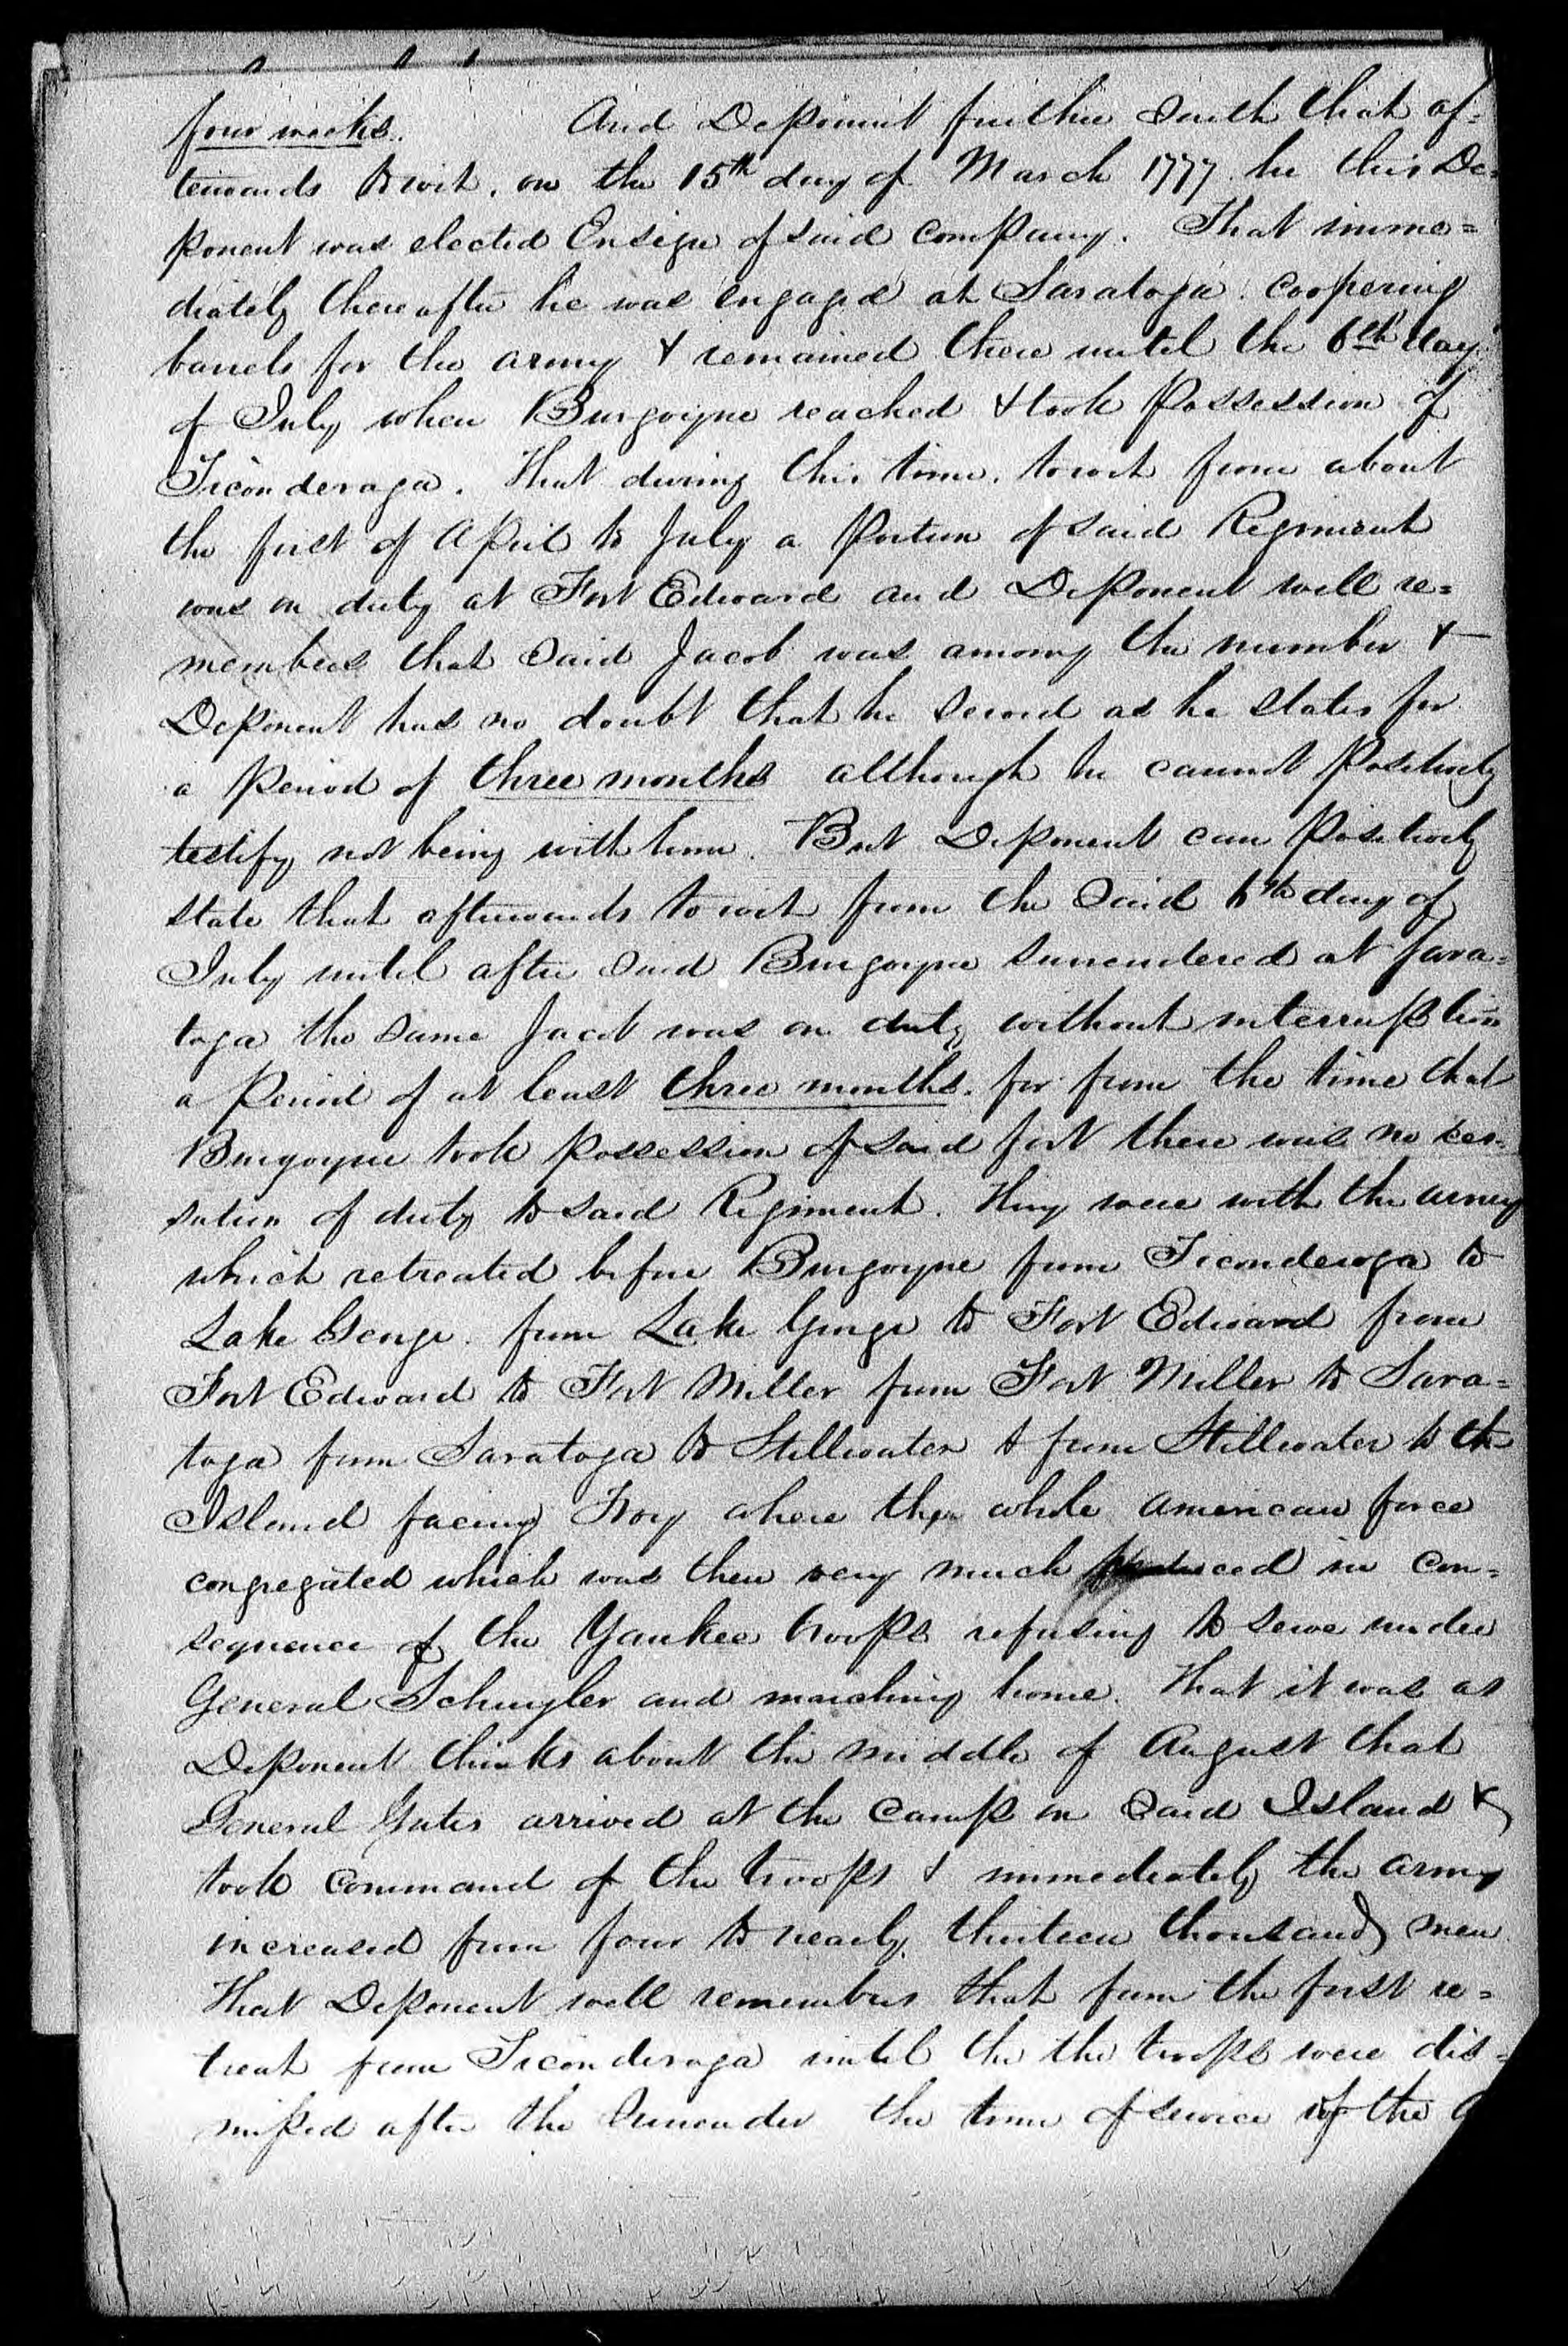... four weeks [underlined]      And Deponent further saith that af-terwards to wit, on the 15th day of March 1777 he this De-ponent was elected Ensign of said company. That immediately thereafter he was engaged at Saratoga. coopering barrels for the army + remained there until the 6th day of July when Burgoyne reached + took possession of Ticonderoga. That during this time, through from about the first of April to July a portion of said Regiment was on duty at Fort Edward and Deponent well re-members that said Jacob was among the number + Deponent had no doubt that he served as he states for a period of three months although he cannot positively testify [illegible] being with him. But Deponent can positively state that afterwards to wit from the Said 6th day of July until after said Burgoyne Surrendered at Sara-toga the same Jacob was on duty without interruption a period of at least three months for from the time that Burgoyne took possession of said fort there was no cessation of duty to said Regiment. They were with the army which retreated before Burgoyne from Ticonderoga to Lake George. From Lake George to Fort Edward from Fort Edward to Fort Miller from Fort Miller to Sara-toga from Saratoga to Stillwater & from Stillwater to the Island facing Troy where the whole American force congregated which was then very much [illegible] in consequence of the Yankee troops refusing to serve under General Schuyler and marching home. That it was as Deponent thinks about the middle of August that General Gates arrived at the camp in said Island and took Command of the troops + immediately the army increased from four to nearly thirteen thousand men. That deponent well remembers that from the first re-treat from Ticonderoga until [illegible] the troops were dismissed after the Surrender the term of service of the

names: Gates, Burgoyne, Burgoyne, Burgoyne, Jacob, Jacob, Schuyler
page: 25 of 48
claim: widow's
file: W. 19788, Jacob W Hilton, New York